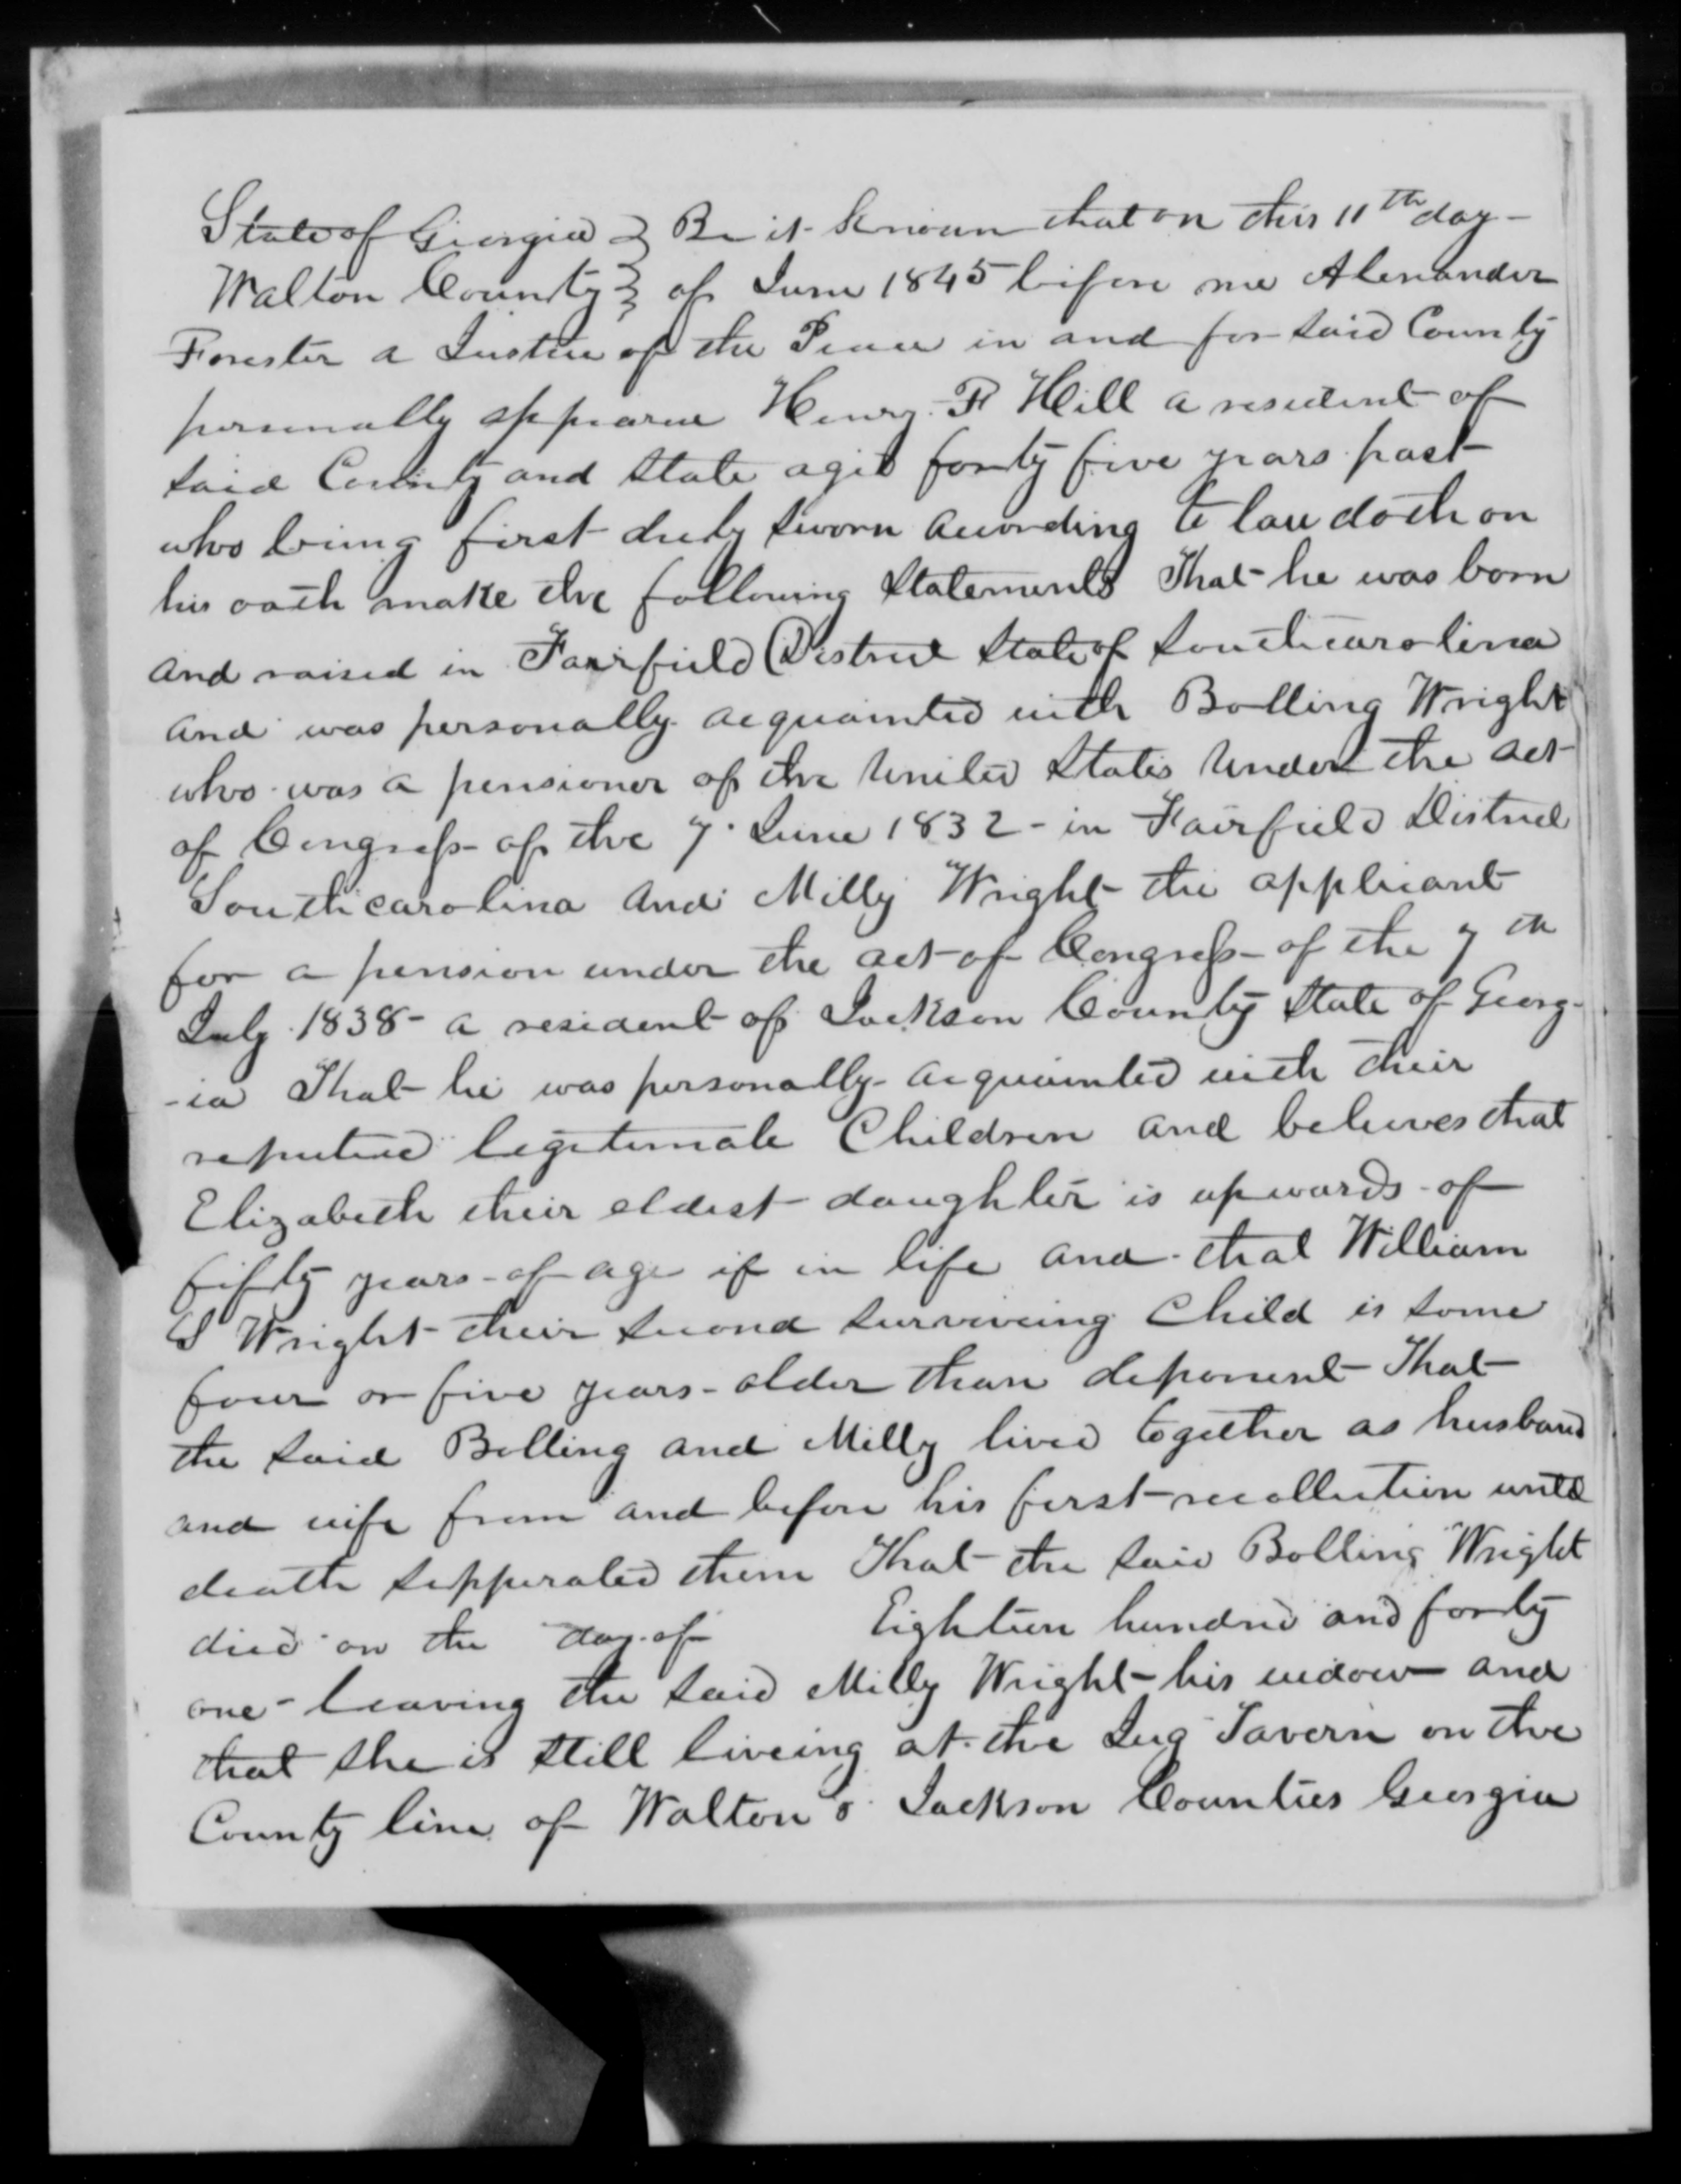State of Georgia
Walton County
Be it known that on this 11th day of June 1845 before me Alexander Forester a Justice of the Peace in and for said County personally appeared Henry F. Hill a resident of said County and State aged forty five years past who being first duly sworn according to law doth on his oath make the following statements That he was born and raised in Fairfield District State of South Carolina and was personally acquainted with Bolling Wright who was a pensioner of the United States under the act of Congress - of the 7 June 1832 - in Fairfield District South Carolina and Milly Wright the applicant for a pension under the act of Congress - of the 7th July 1838 - a resident of Jackson Country State of Georgia That he was personally acquainted with their reputed legitimate children and believes that Elizabeth their oldest daughter is upwards of fifty years of age if in life and that William Wright their second surviving child is some four or five years older than deponent That the said Bolling and Milly lived together as husband and wife from and before his first recollection until death separated them That the said Bolling Wright died on the day of Eighteen hundred and forty two leaving the said Milly Wright his widow and that she is still living at the Jug Tavern on the Country Line of Walton and Jackson Counties Georgia.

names: Henry F Hill, Elizabeth, William S Wright, Alexander Forester, Bolling Wright, Milly Wright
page: 74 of 81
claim: widow's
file: W. 5183, Bolling Wright, Va.